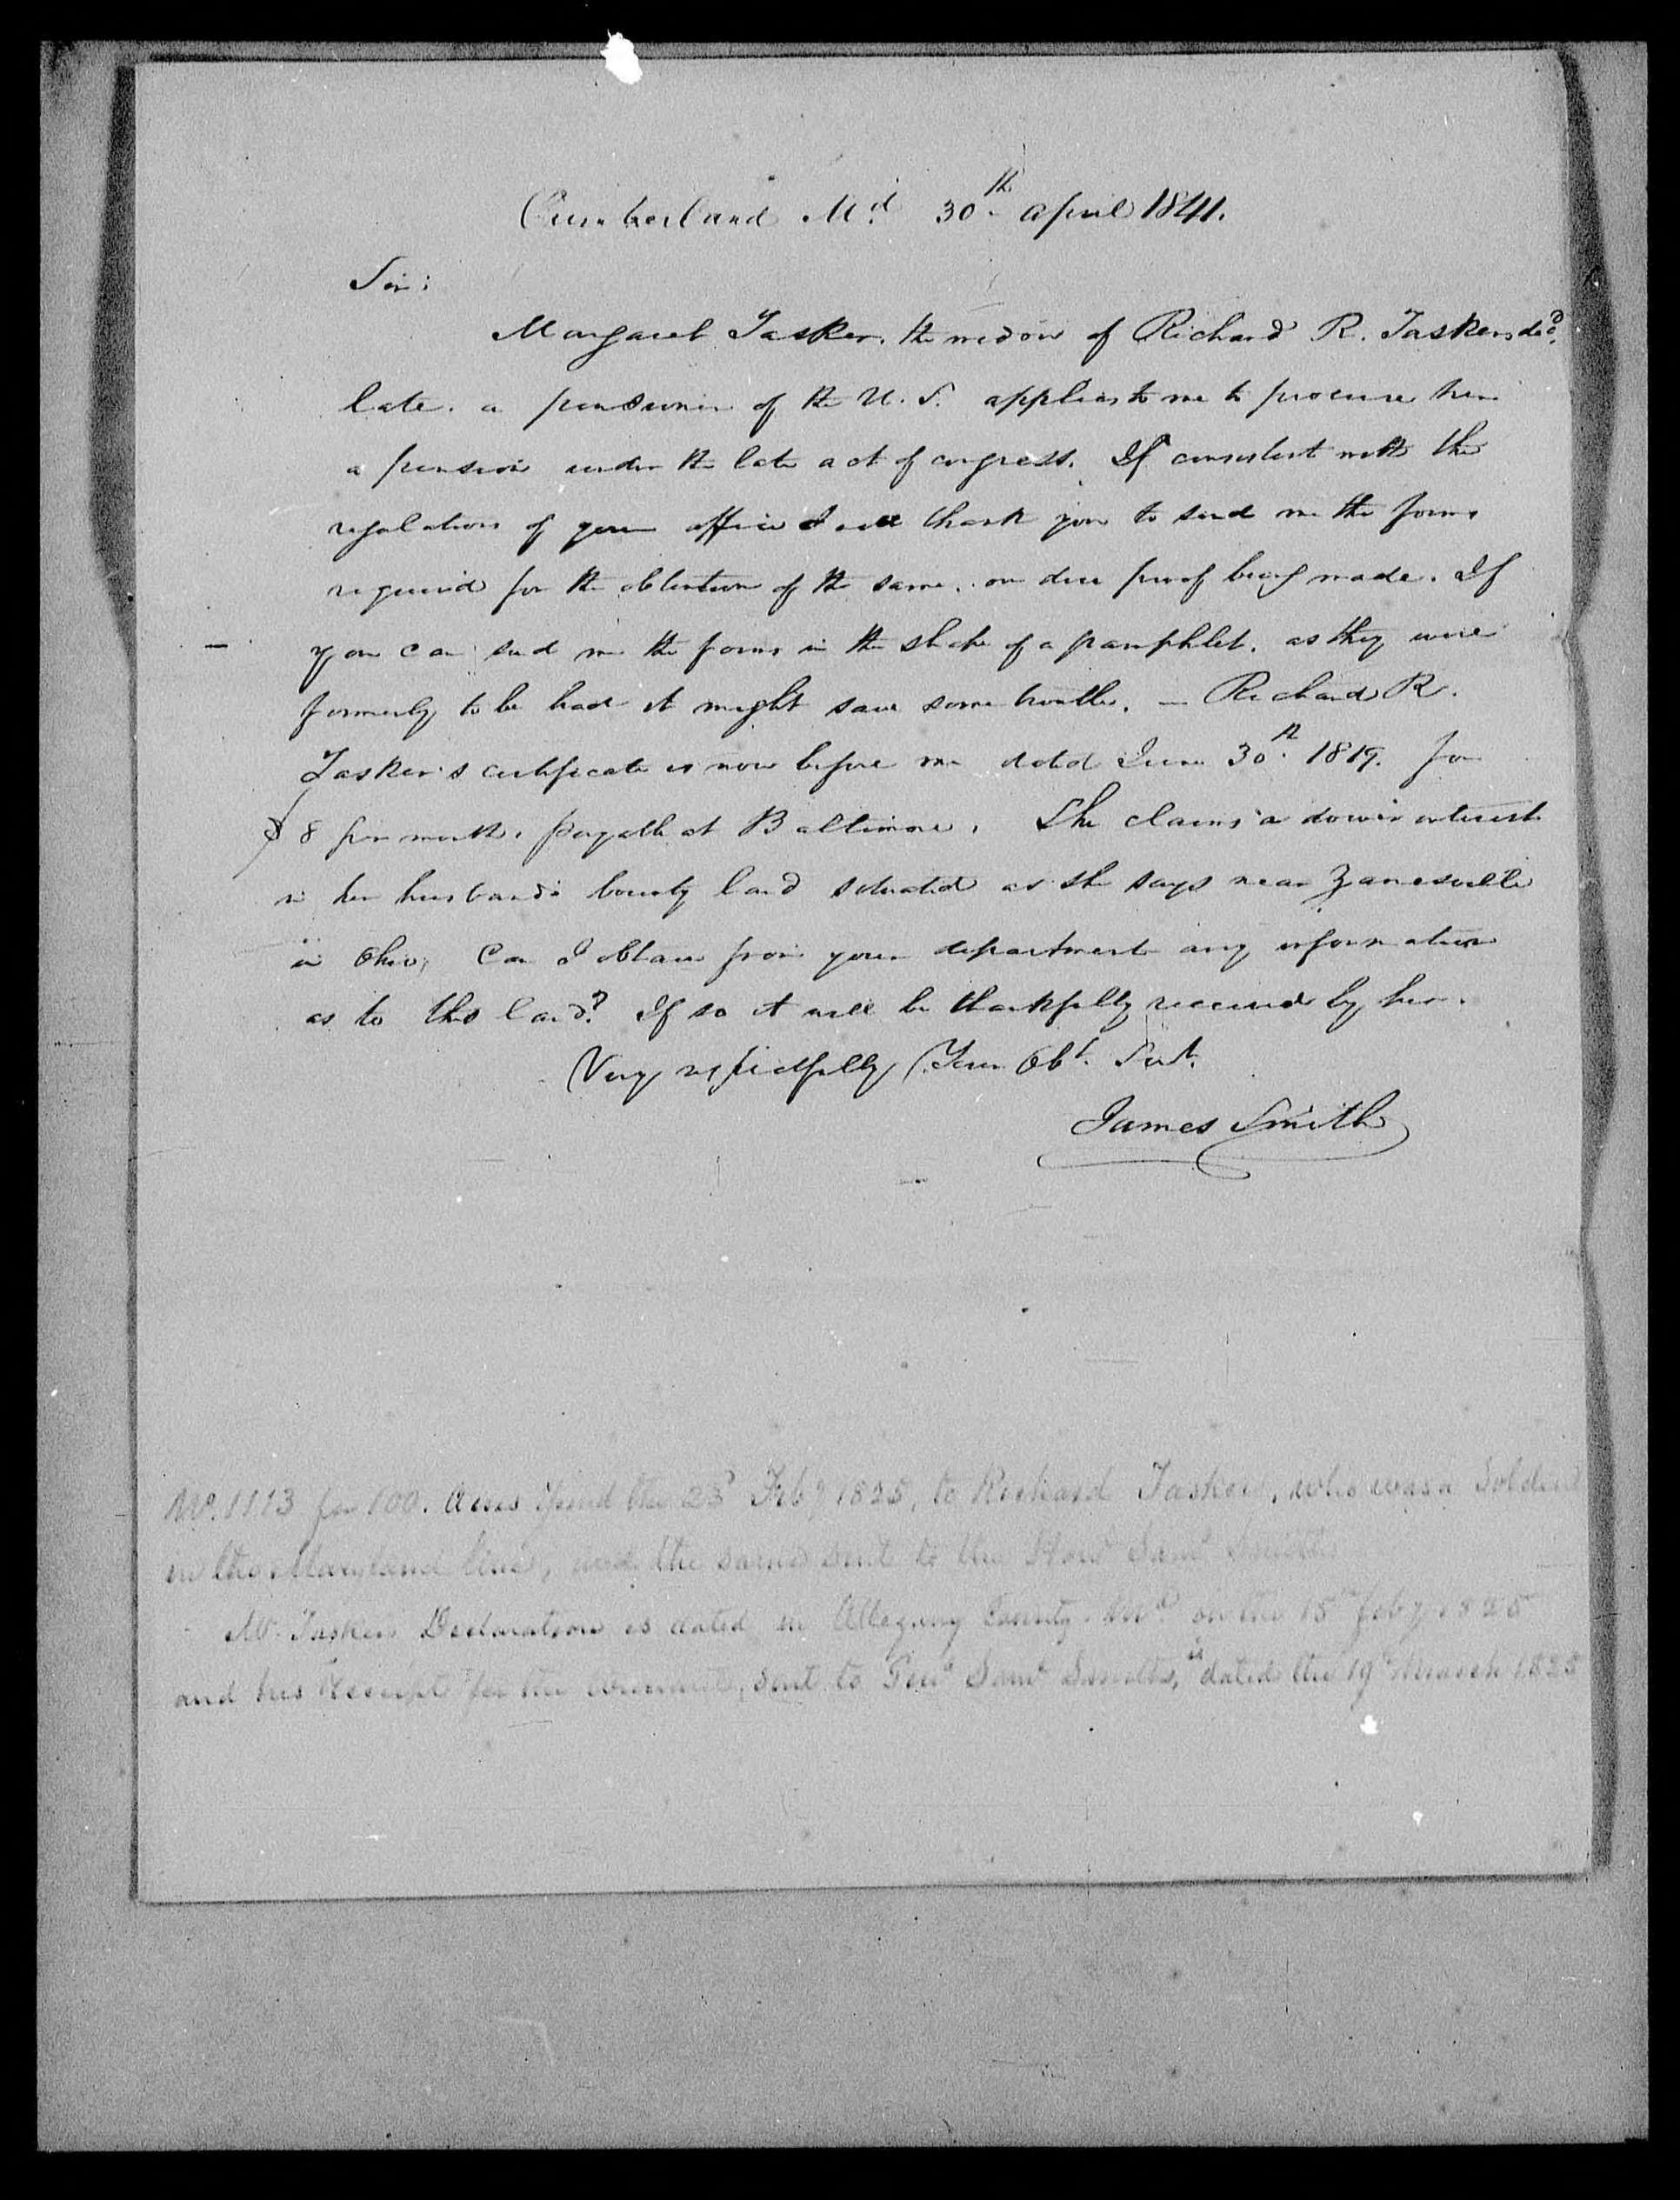Cumberland Md. 30th April 1841.
Sir: 
Margaret Tasker, the widow of Richard R. Tasker decd. late, a pensioner of the U. S. applies to me to procure her a pension under the late act of congress. If consistent with the regulations of your office I will thank you to send me the forms required for the obtention of the same, or due proof being made. If you can send me the forms in the shape of a pamphlet, as they were formerly to be had it might save some trouble.--Richard R. Tasker's certificate as now before me dated June 30th 1819. for $8 per month, payable at Baltimore. She claims a   dower's interest in her husband's bounty land situated as she says near Zanesville in Ohio. Can I  obtain from your department any information as to this land? If so it will be thankfully received by her.
Very respectfully Your Obt. Sut.
James Smith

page: 17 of 25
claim: survivor's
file: S. 35093, for Richard R Tasker, Maryland